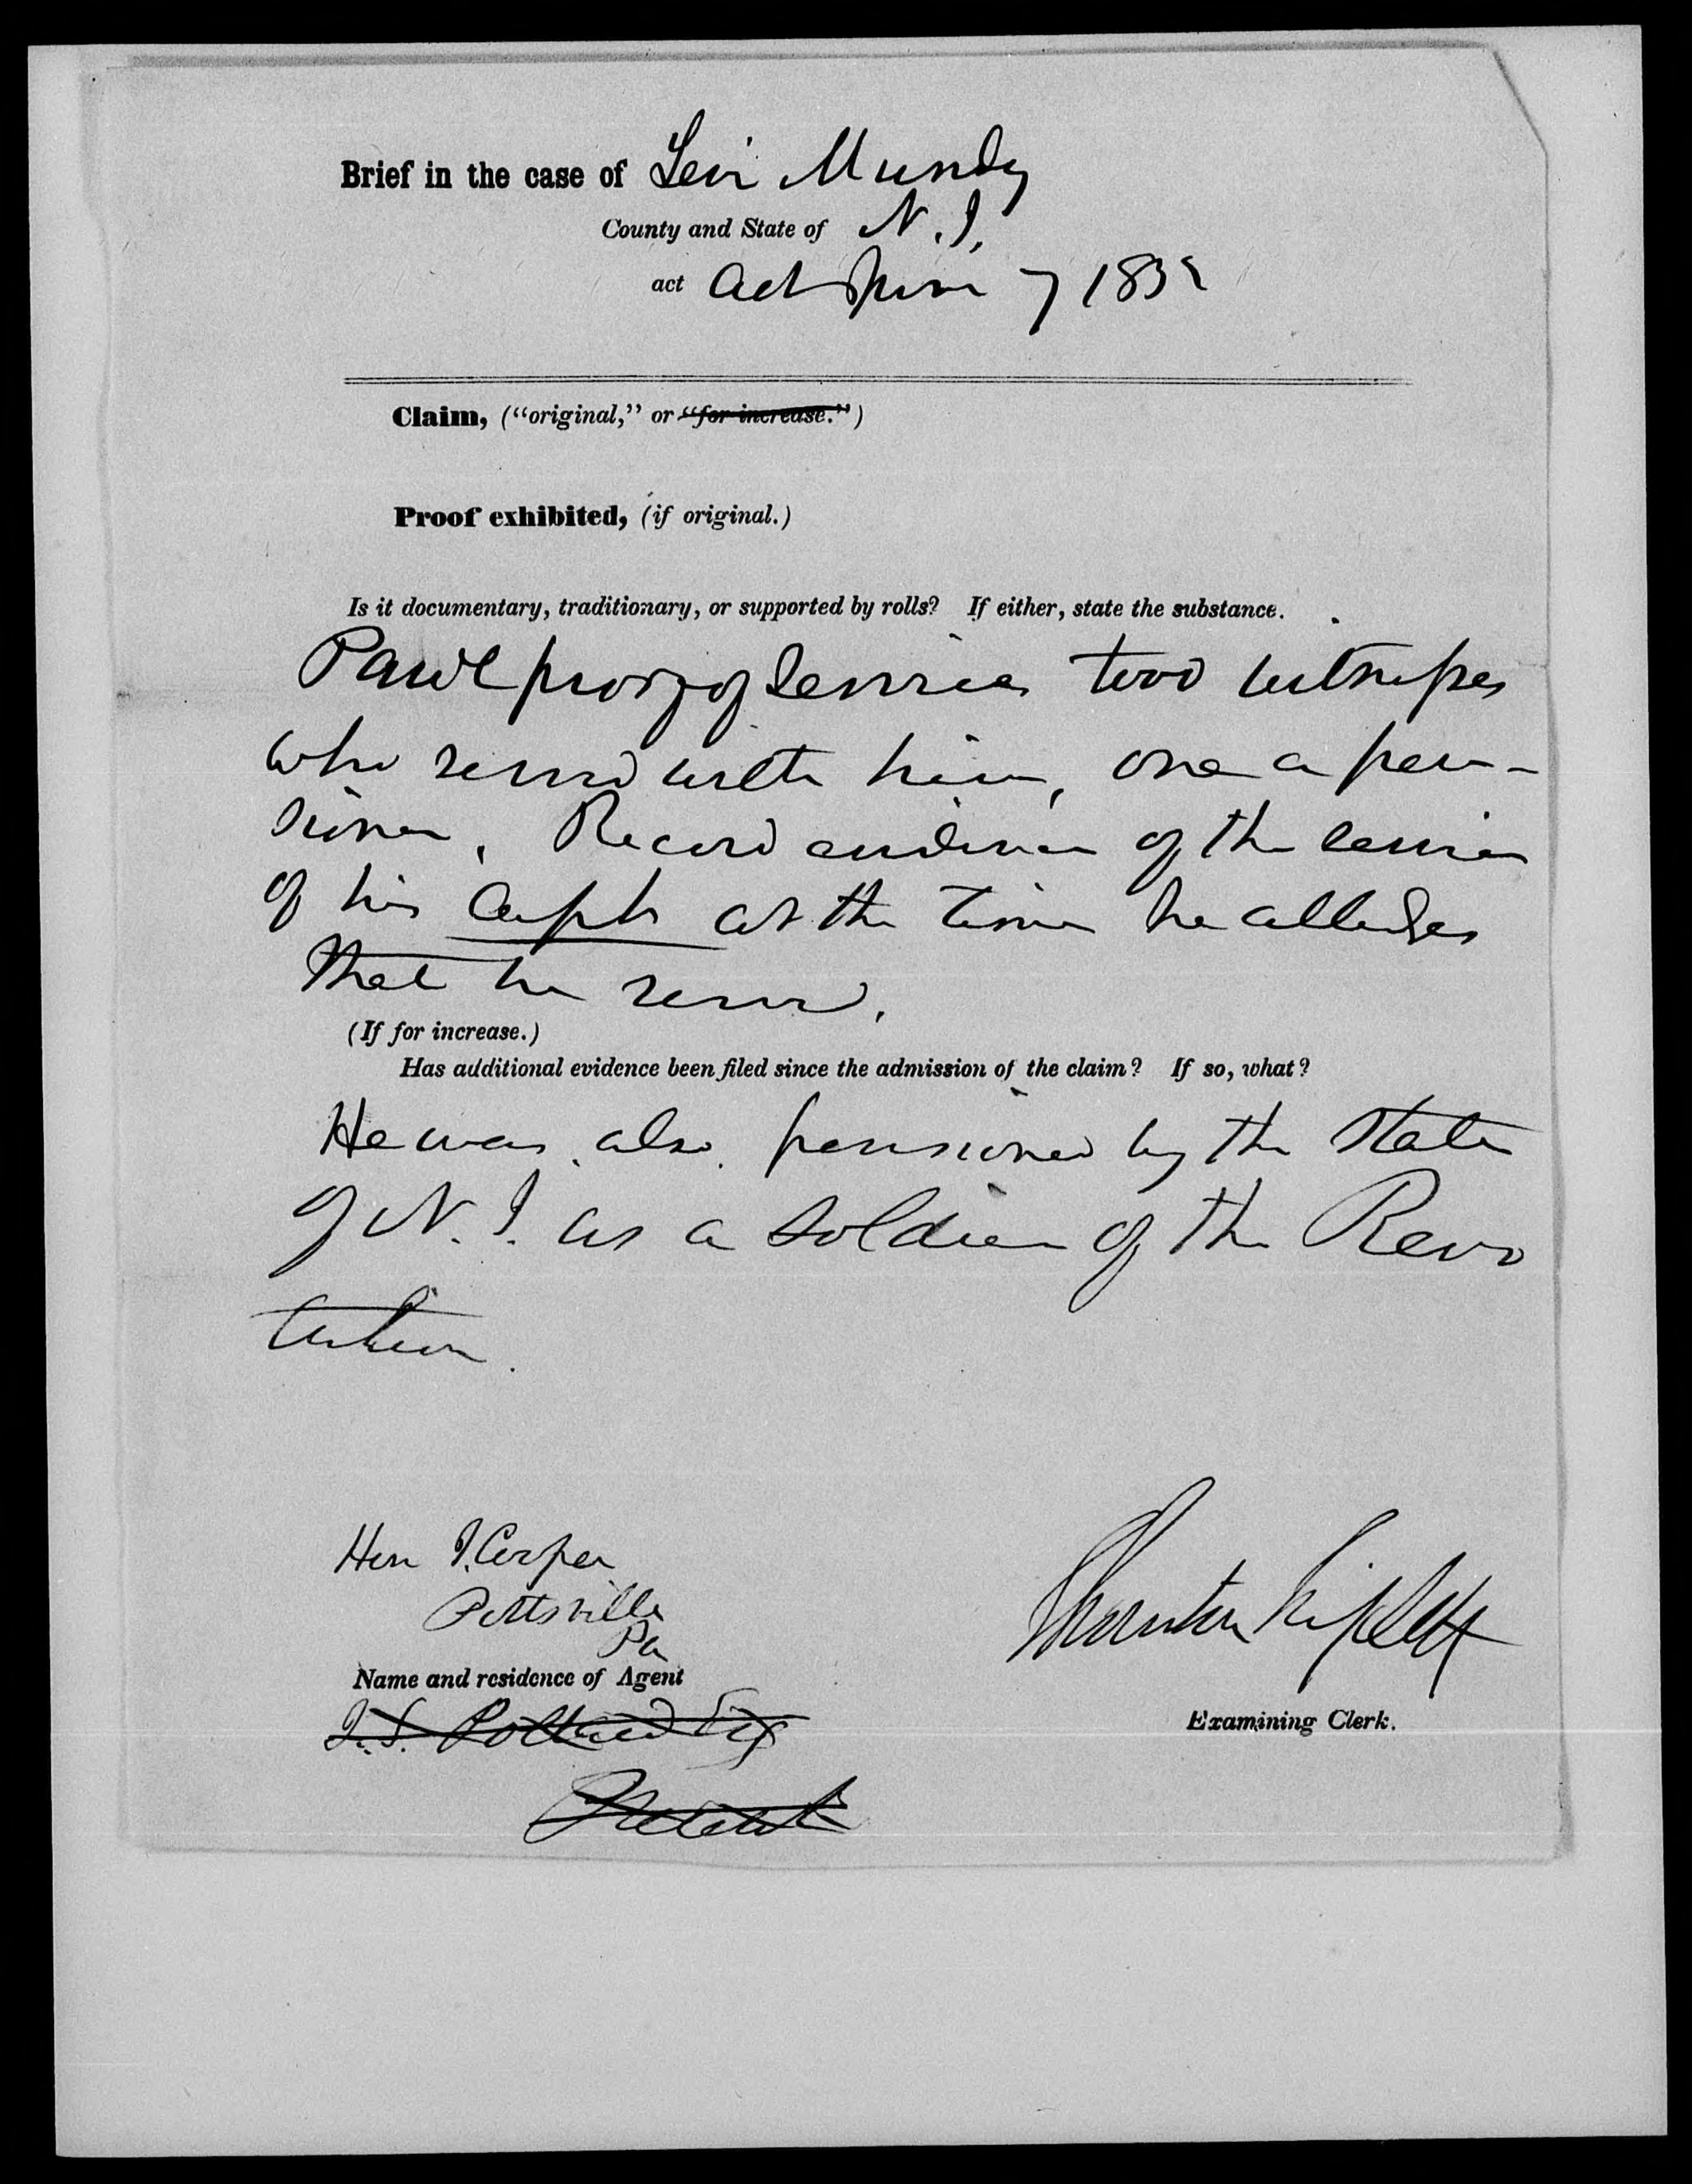Brief in the case of Levi Mundy, (blank) County and State of N.J.
acts [duplicate: Act] June 7, 1832 
Claim, ("original," or [crossed out: "for increase."])
Proof exhibited, (if original.)

Is it documentary, traditionary, or supported by rolls? If either, state the substance.
Pos(itive) proof of service, two witnesses who served with him, one a pensioner. Record evidence of the same of his [illegible] at the time he alleges that he served.

(If for increase.)
Has additional evidence been filed since the admission of the claim? If so, what?
He was also pensioned by the State of N.J. as a soldier of the Revolution.
s/ Thornton Triplett, Examining Clerk.

Hon. J. Cooper, Pittsville, Pa.

Name and residence of Agent
[crossed out: J.S. Pollard, Esq., present]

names: J Cooper; Levi Mundy; Thornton Triplett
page: 26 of 95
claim: survivor's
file: S 2889, for Levi Mundy, New Jersey